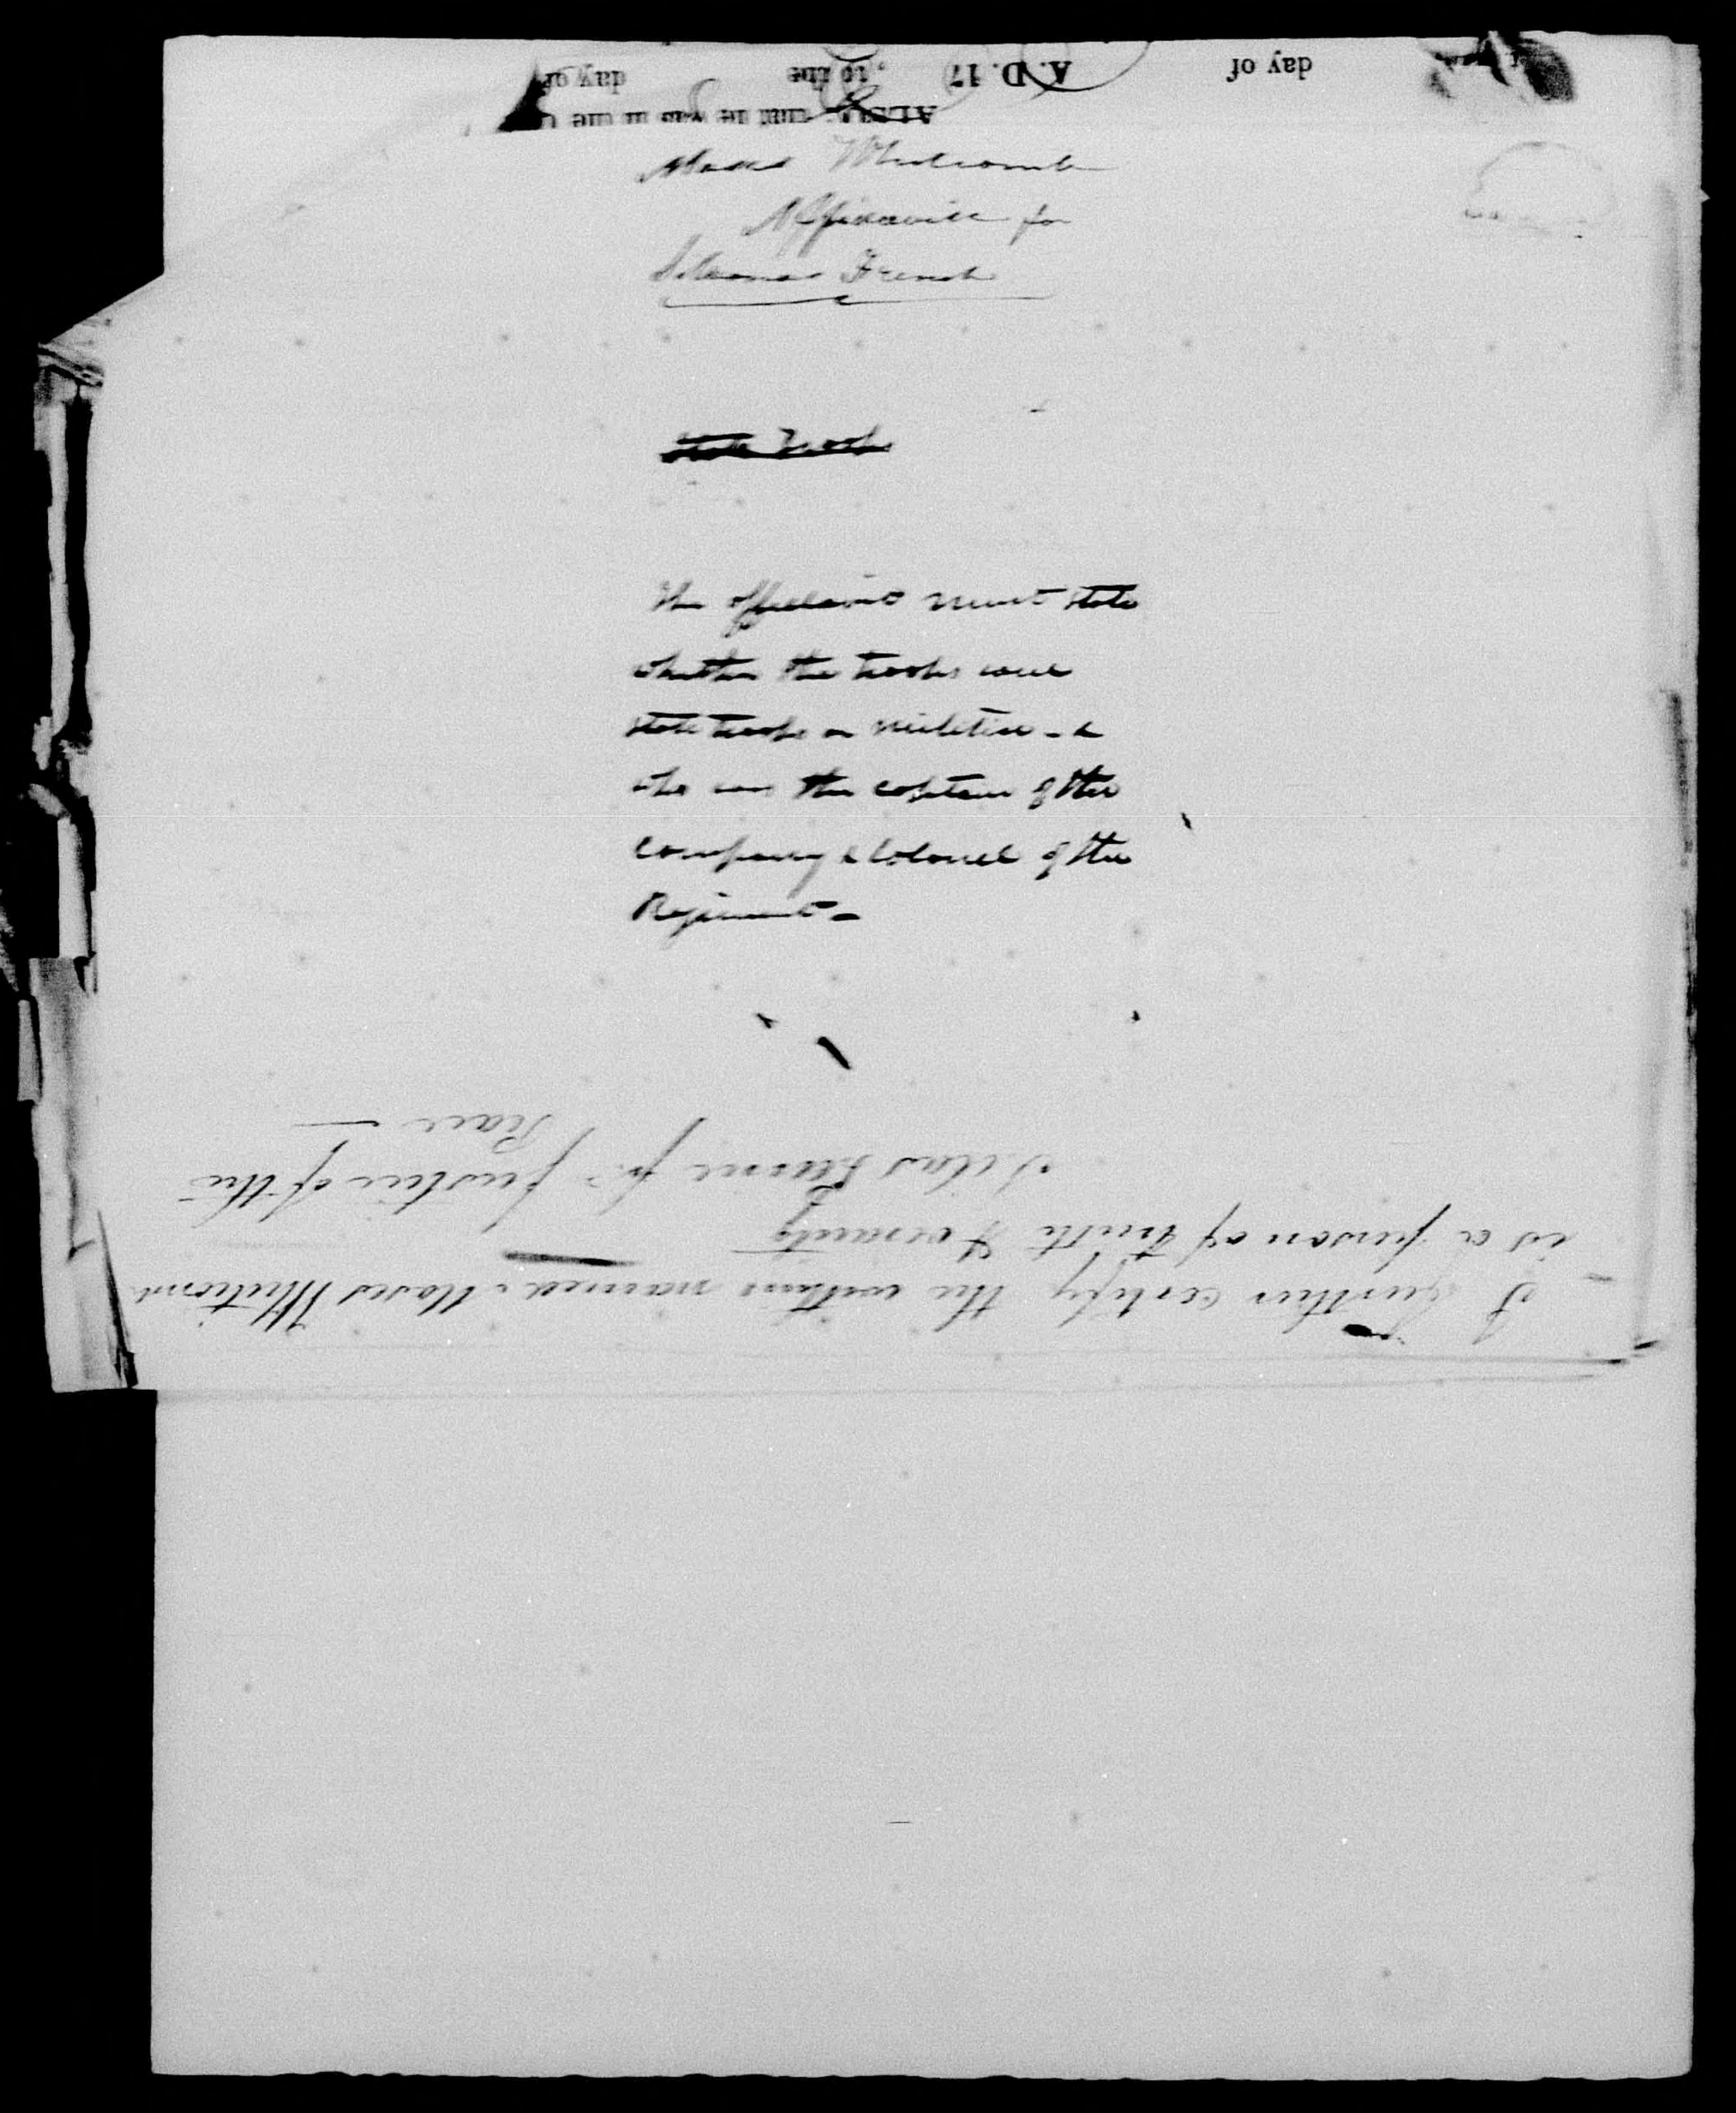[This is same image as No. 9 displayed upside down]

[upside down text]
[preprinted but not filled in] 
ALSO, that he was in th[remainder obscured]
day of   A.D. 17   , to the     day of

Moses Whitcomb
Affidavit of
Silvanus French

[words struck out]

The affidavit must state
whether the troops were
state troops or militia - &
who was the captain of the
company & colonel of the
Regiment -

[upside down text]
I further certify the within named Moses Whitcomb
is a person
of truth & veracity
Silas Paine Jr. Justice of the
Peace --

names: Moses Whitcomb, Silvanus French, Silas French, Moses Whitcomb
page: 10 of 38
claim: widow's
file: W. 24,235, Silvanus French, Mass.